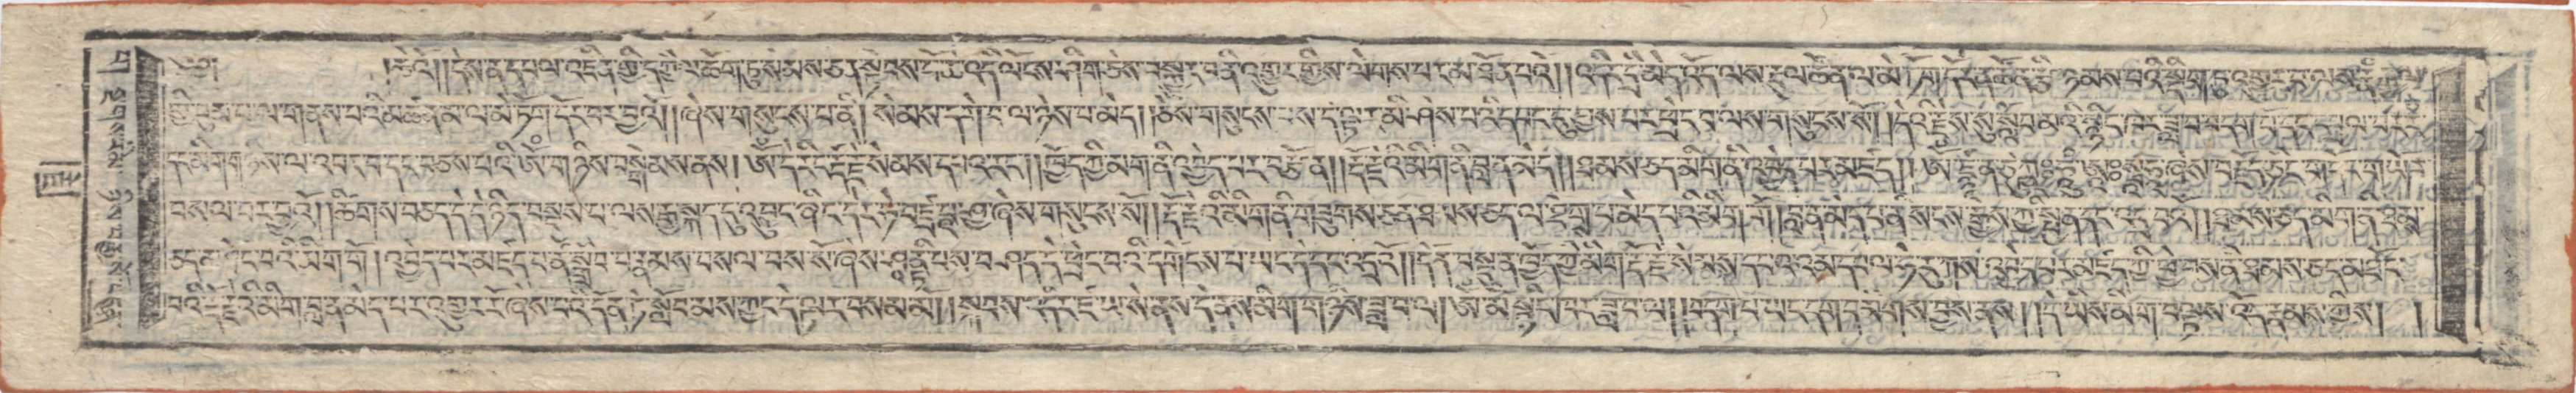༄༅། །ཆེའོ། །དེས་ན་དཔལ་འཛིན་གྱི་དཀྱིལ་ཆོག་ཏུ་སེམས་ཅན་སྟོབས་པོ་ཆེ་འདི་ལོངས་ཤིག་ཅེས་བསྒྱུར་བ་ནི་འགྱུར་གྱིས་ལེགས་པར་མ་ཐོན་པའོ། །འདིར་དྲི་མེད་འོད་ལས་རྡུལ་ཚོན་ལ་མེ་ཏོག་དོར་ན་ཚོན་རྩི་ཉམས་པའི་སྡིག་ཏུ་འགྱུར་བ་ལས་རྣམ་རྒྱལ་
གྱི་བུམ་པ་ལ་གནས་པའི་མཚན་མ་ལ་མེ་ཏོག་དོར་བར་བྱའོ། །ཞེས་གསུངས་པ་ནི། སེམས་དགེ་བ་ལ་ཉེས་པ་མེད། །ཅེས་གསུངས་པས་དེ་ལྟར་མི་ཤེས་པའི་དབང་དུ་བྱས་པར་ཕྲེང་བ་ལས་གསུངས་སོ། །དེའི་རྗེས་སུ་སློབ་མའི་སྙིང་ཁར་ཟླ་བ་བདག་པོ་དང་དཔྲལ་བར་རཾ་
དང་མིག་གཉིས་ལ་འབར་བ་དང་བཅས་པའི་ཨོཾ་གཉིས་བསྒོམས་ནས། ཨོཾ་དེ་རིང་རྡོ་རྗེ་སེམས་དཔའ་རང་། །ཁྱོད་ཀྱི་མག་ནི་འབྱེད་པར་བརྩོན། །རྡོ་རྗེའི་མིག་ནི་བླ་ན་མེད། །ཐམས་ཅད་མིག་ནི་འབྱེད་པར་མཛད། །ཨོཾ་ཛྙཱ་ན་ཙཀྵུཿ ཧཱུཾ་ཨཱཿ སྭཱ་ཧཱ་ཞེས་བརྗོད་ཅིང་གདོང་གཡོགས་
བསལ་བར་བྱའོ། །ཚིགས་བཅད་དེ་དེ་ཉིད་བསྡུས་པ་ལས་རྒྱ་སྐད་དུ་འབྱུང་ཞིང་དེར་ཧེ་བཛྲ་པཱ་ཤྱ་ཞེས་གསུངས་སོ། །རྡོ་རྗེའི་མིག་ནི་གཟུགས་ཅན་ཐམས་ཅད་ལ་ཐོགས་པ་མེད་པའི་མིག་གོ །བླ་ན་མེད་པ་ནི་སངས་རྒྱས་ཀྱི་སྤྱན་དང་འདྲ་བའོ། །ཐམས་ཅད་མིག་ནི་ཐམས་
ཅད་མཐོང་བའི་མིག་གོ །འབྱེད་པར་མཛད་པ་ནི་སྒྲིབ་པ་རྣམས་བསལ་བས་སོ་ཞེས་ཤཱནྟི་པས་བཤད་དེ་ཕྲེང་བའི་དགོངས་པ་ཡང་དེ་དང་འདྲའོ། །དོན་བསྡུ་ན་ཁྱོད་ཀྱི་མིག་རྡོ་རྗེ་སེམས་དཔའ་འམ་དཔལ་ཧེ་རུ་ཀས་འབྱེད་པར་མཛད་ཀྱི་ཕྱེ་བས་ནི་ཐམས་ཅད་མཐོང་
བའི་རྡོ་རྗེའི་མིག་བླ་ན་མེད་པར་འགྱུར་རོ་ཞེས་པའི་དོན་ཏེ་སློབ་མས་ཀྱང་དེ་ལྟར་བསམ་མོ། །སྐབས་འདིར་ཛ་ཡ་སེ་ནས་དེ་ནས་མིག་གཉིས་ཟླ་བ་ལ། ཨོཾ་མ་སྙིང་ཁར་ཟླ་བ་ལ། །བདག་པོ་ཡང་དག་དམིགས་བྱས་ནས། །དེ་ཡིས་མིག་བལྟས་འོད་རྣམས་ཀྱིས། །